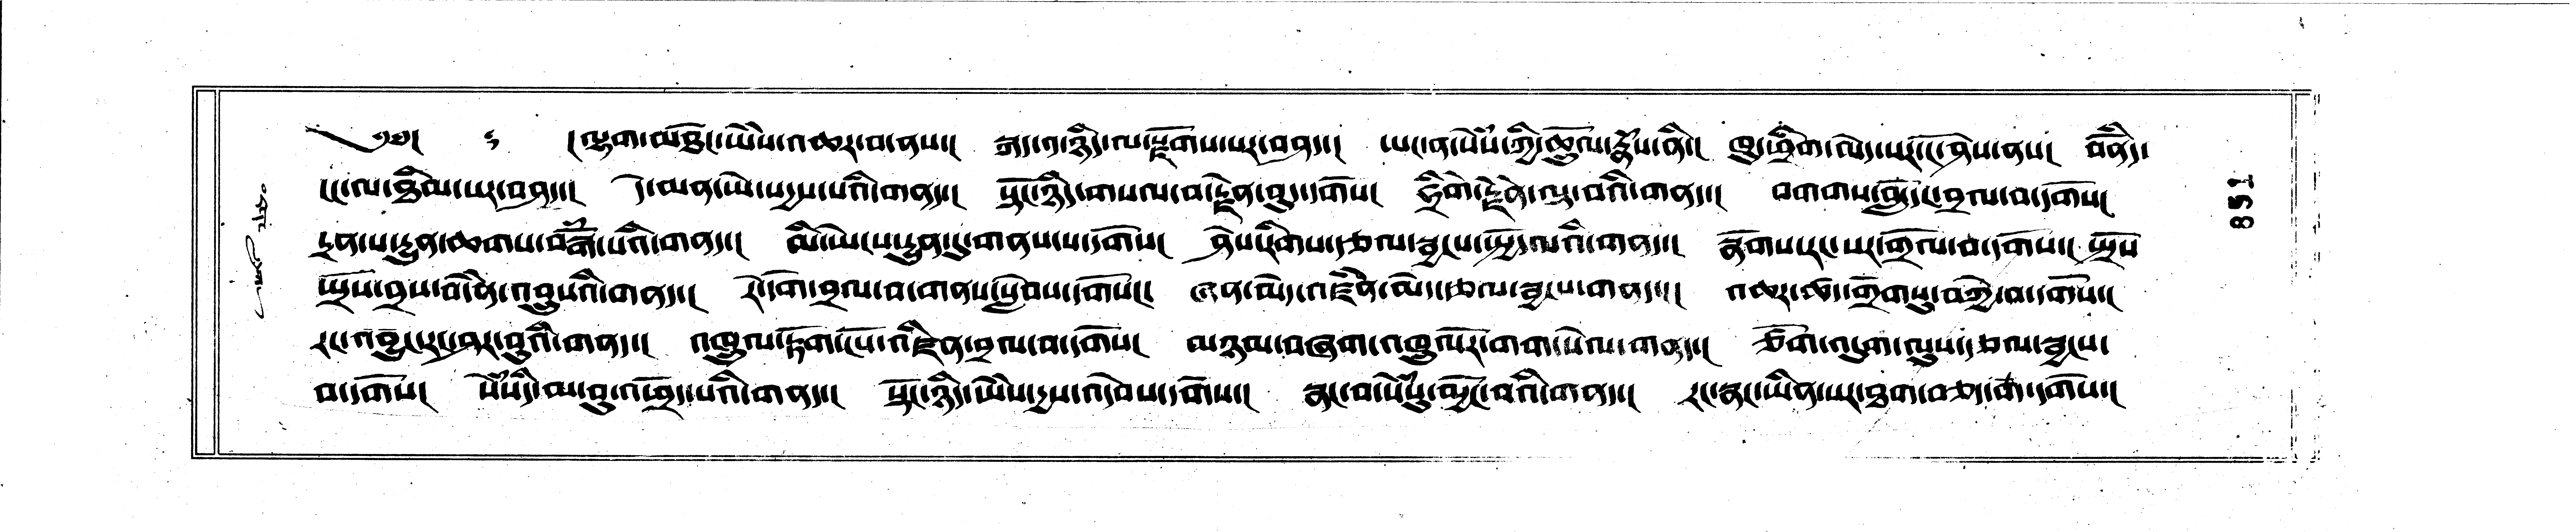ལྷག་མཐོང་ཡེ་ཤེས་འཆར་བ་ནས། །སྐད་ཅིག་ཉིད་ལ་རྫོགས་པར་བཤད། །ཡང་ན་སེམས་ཀྱི་ཆོ་འཕྲུལ་རྣམས་ནི། །ཁུ་འཕྲིག་མེད་པར་ངོ་ཤེས་ནས། །བོན་
ངང་ལ་ཐིམ་པར་བཤད། །དེ་མིན་ཡེ་སངས་རྒྱས་པའི་གནད། །སྟོང་ཉིད་གསལ་བ་རྗེན་བུ་དགོས། །ཧྲིག་གེ་རྗེན་ནེ་ལྟ་བའི་གནད། །བག་ཆགས་བློ་དང་བྲལ་བ་དགོས། 
།དྲན་པ་རྒྱུན་ཆགས་སྒོམ་པའི་གནད། །མི་ཡེངས་རྒྱུན་དུ་གནས་པ་དགོས། །ཤེས་རིག་རྩལ་སྦྱོང་སྤྱོད་པའི་གནད། །སྣ་ཚོགས་རང་སར་གྲོལ་བ་དགོས། །སྤྲོས་
བྲས་བདེ་ཆེན་འབྲས་བུའི་གནད། །རེ་དོགས་བྲལ་བ་གནས་བསླེབས་དགོས། །ཞེན་མེད་འཛིན་མེད་རྩལ་སྦྱོང་གནད། །འཆར་ཚད་གྲོགས་སུ་བཀྱེ་བ་དགོས། 
།རང་འབྱུང་རང་ཤར་བུའི་གནད། །འཁྲུལ་རྟོག་ངོས་འཛིན་བྲལ་བ་དགོས། །མཉམ་བཞག་འཁྲུལ་འཁོར་གགས་སེལ་གནད། །ཙོག་འདུག་ལུས་རྩལ་སྦྱང་
བ་དགོས། །སེམས་ཉིད་མ་བུ་འཕྲོད་པའི་གནད། །སྟོང་ཉིད་ཡེ་ཤེས་རྒྱས་འདེབས་དགོས། །སྣང་བ་སེམས་སུ་མྱོང་བའི་གནད། །རང་སྣང་ཡིན་པར་ཐག་བཅད་དགོས། །